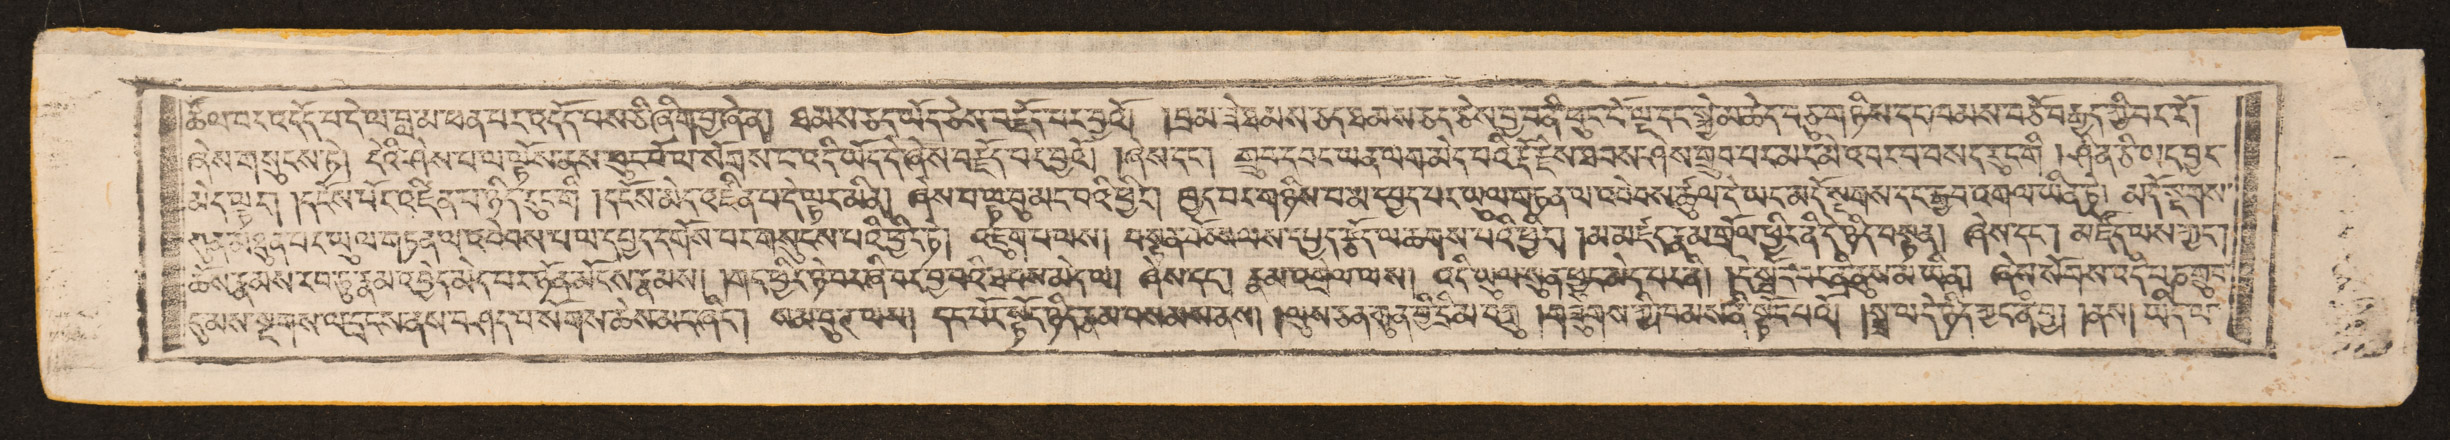ཚོལ་བར་འདོད་པ་དེ་ལ་བླ་མ་ཕན་པར་འདོད་བས་ཅི་ཞིག་བྱ་ཞེ་ན། ཐམས་ཅད་ཡོད་ཅེས་བརྗོད་པར་བྱའོ། །བྲམ་ཟེ་ཐམས་ཅད་ཐམས་ཅད་ཅེས་བྱ་བ་ནི་ཕུང་པོ་ལྔ་དང་སྐྱེ་མཆེད་བཅུ་གཉིས་དང་ཁམས་བཅོ་བརྒྱད་ཀྱི་བར་རོ།
ཞེས་གསུངས་ཏེ། དེའི་ཤེས་པ་ལ་ལྟོས་ནས་ཕུང་པོ་ལ་སོགས་པ་འདི་ཡོད་དེ་ཞེས་བརྗོད་པར་བྱའོ། །ཞེས་དང་། གྲུབ་དབང་ཡན་ལག་མེད་པའི་རྡོ་རྗེས་ཐབས་ཤེས་གྲུབ་པར་མར་མེ་འབར་བ་བསད་རུང་གི །ཤིན་ཅི་ཡང་བྱར་
མེད་ལྟར། །དངོས་པོར་འཛིན་པ་ཉིད་རུང་གི །དངོས་མེད་འཛིན་པ་དེ་ལྟར་མིན། ཞེས་པ་ལྟ་བུ་མང་བའི་ཕྱིར། ཁྱད་པར་གཉིས་པ་མ་དཔྱད་པར་ཡུལ་གཏན་ལ་འབེབས་ཚུལ་དེ་ཡང་མདོ་སྔགས་དང་རྒྱབ་འགལ་ཡིན་ཏེ། མདོ་སྔགས་
ཀུན་མཐུན་པར་ཡུལ་གཏན་ལ་འབེབས་པ་ལ་དཔྱད་དགོས་པར་གསུངས་པའི་ཕྱིར་ཏེ། འཇུག་པ་ལས། བསྟན་བཅོས་ལས་དཔྱད་རྩོད་ལ་ཆགས་པའི་ཕྱིར། །མ་མཛད་རྣམ་གྲོལ་ཕྱིར་ནི་དེ་ཉིད་བསྟན། ཞེས་དང་། མཛོད་ལས་ཀྱང་
ཆོས་རྣམས་རབ་ཏུ་རྣམ་འབྱེད་མེད་པར་ཉོན་མོངས་རྣམས། །གང་ཕྱིར་ཉེ་བར་ཞི་བར་བྱ་བའི་ཐབས་མེད་ལ། ཞེས་དང་། རྣམ་འགྲེལ་ལས། འདི་ཡུལ་སུན་ཕྱུད་མེད་པར་ནི། །དེ་སྤོང་བར་ནི་ནུས་མ་ཡིན། ཞེས་སོགས་འདི་པཎ་གྲུབ་
དུ་མས་སྔགས་ལ་དྲངས་ནས་བཤད་པ་སོགས་ཆེས་མང་ཞིང་། སམ་བུ་ཊ་ལས། དང་པོར་སྟོང་ཉིད་རྣམ་བསམས་ནས། །ལུས་ཅན་ཀུན་གྱི་དྲི་མ་བཀྲུ། །གཟུགས་ཀྱི་ཁམས་ནི་སྟོང་པའོ། །སྒྲ་ལ་དེ་ཉིད་ཀྱང་ནི་བྱ། །ནས། ཡིད་ལ་